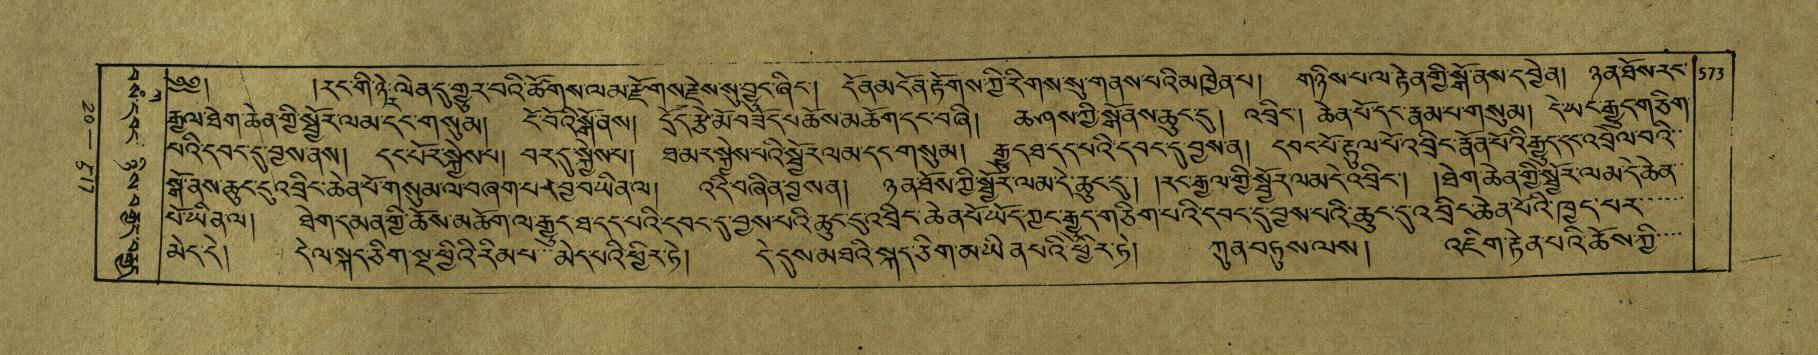༄༅། །རང་གི་ཉེར་ལེན་དུ་གྱུར་བའི་ཚོགས་ལམ་རྫོགས་རྗེས་སུ་བྱུང་ཞིང་། དོན་མངོན་རྟོགས་ཀྱི་རིགས་སུ་གནས་པའི་མཁྱེན་པ། གཉིས་པ་ལ་རྟེན་གྱི་སྒོ་ནས་དབྱེ་ན། ཉན་ཐོས་རང་
རྒྱལ་ཐེག་ཆེན་གྱི་སྦྱོར་ལམ་དང་གསུམ། ངོ་བོའི་སྒོ་ནས། དྲོད་རྩེ་མོ་བཟོད་པ་ཆོས་མཆོག་དང་བཞི། ཆ་ཤས་ཀྱི་སྒོ་ནས་ཆུང་དུ། འབྲིང་། ཆེན་པོ་དང་རྣམ་པ་གསུམ། དེ་ཡང་རྒྱུད་གཅིག་
པའི་དབང་དུ་བྱས་ནས། དང་པོར་སྐྱེས་པ། བར་དུ་སྐྱེས་པ། ཐ་མར་སྐྱེས་པའི་སྦྱོར་ལམ་དང་གསུམ། རྒྱུད་ཐ་དད་པའི་དབང་དུ་བྱས་ན། དབང་པོ་རྟུལ་པོ་འབྲིང་རྣོན་པའི་རྒྱུད་དང་འབྲེལ་བའི་
སྒོ་ནས་ཆུང་དུ་འབྲིང་ཆེན་པོ་གསུམ་ལ་བཞག་པར་བྱ་བ་ཡིན་ལ། འདི་བཞིན་བྱས་ན། ཉན་ཐོས་ཀྱི་སྦྱོར་ལམ་དེ་ཆུང་དུ། བྲིང་། ཆེན་པོ་དང་རྣམ་པ་གསུམ། དེ་ཡང་རྒྱུད་གཅིག་
པ་ཡིན་ལ། ཐེག་དམན་གྱི་ཆོས་མཆོག་ལ་རྒྱུད་ཐ་དད་པའི་དབང་དུ་བྱས་པའི་ཆུང་དུ་འབྲིང་ཆེན་པོ་ཡོད་ཀྱང་རྒྱུད་གཅིག་པའི་དབང་དུ་བྱས་པའི་ཆུང་དུ་འབྲིང་ཆེན་པོའི་ཁྱད་པར་
མེད་དེ། དེ་ལ་སྐད་ཅིག་སྔ་ཕྱིའི་རིམ་པ་མེད་པའི་ཕྱིར་ཏེ། དེ་དུས་མཐའི་སྐད་ཅིག་མ་ཡིན་པའི་ཕྱིར་ཏེ། ཀུན་བཏུས་ལས། འཇིག་རྟེན་པའི་ཆོས་ཀྱི་